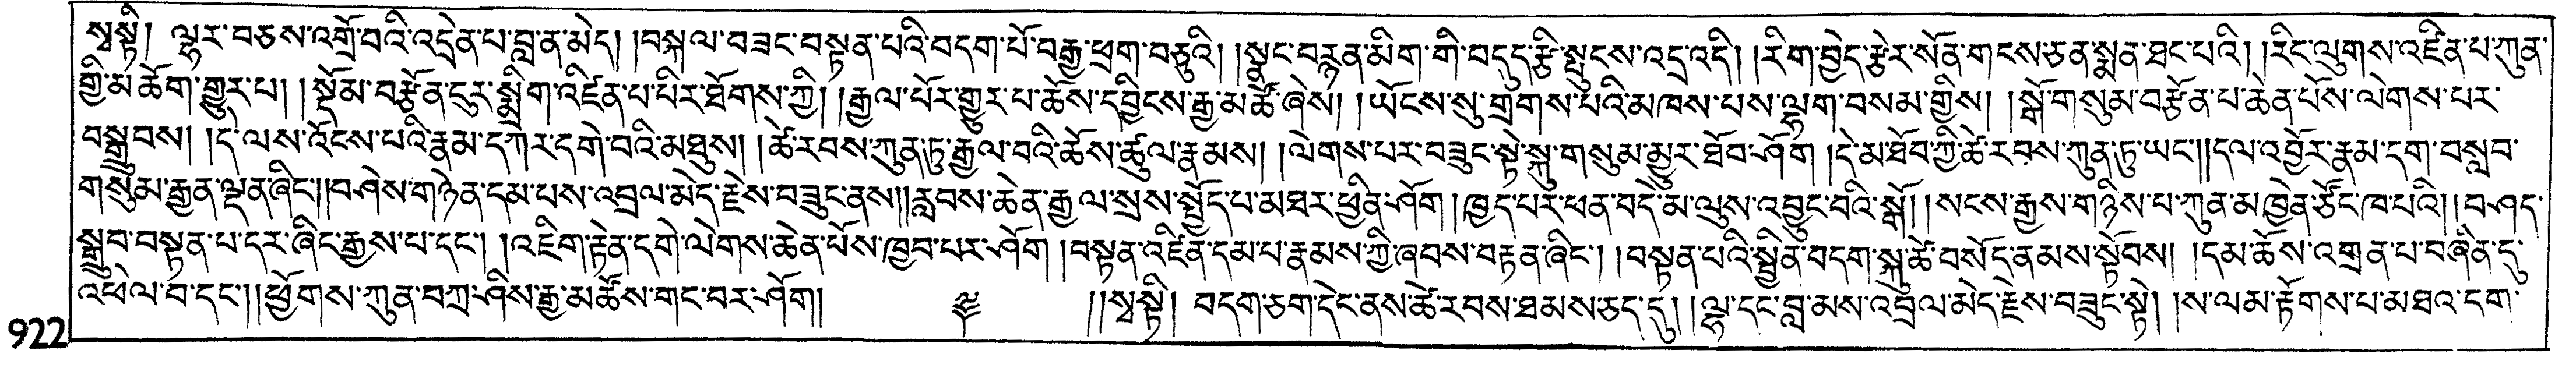སྭསྟི། ལྷར་བཅས་འགྲོ་བའི་འདྲེན་པ་བླ་ན་མེད། །བསྐལ་བཟང་བསྟན་པའི་བདག་པོ་བརྒྱ་ཕྲག་བཅུའི། །སྣང་བརྙན་མིག་གི་བདུད་རྩི་སྤུངས་འདྲ་འདི། །རིག་བྱེད་རྩེར་སོན་གངས་ཅན་སྨན་ཐང་པའི། །རིང་ལུགས་འཛིན་པ་ཀུན་
གྱི་མཆོག་གྱུར་པ། །སྡོམ་བརྩོན་ངུར་སྨྲིག་འཛིན་པ་པིར་ཐོགས་ཀྱི། །རྒྱལ་པོར་གྱུར་པ་ཆོས་དབྱིངས་རྒྱ་མཚོ་ཞེས། །ཡོངས་སུ་གྲགས་པའི་མཁས་པས་ལྷག་བསམ་གྱིས། །སྒོ་གསུམ་བརྩོན་པ་ཆེན་པོས་ལེགས་པར་
བསྒྲུབས། །དེ་ལས་འོངས་པའི་རྣམ་དཀར་དགེ་བའི་མཐུས། །ཚེ་རབས་ཀུན་ཏུ་རྒྱལ་བའི་ཆོས་ཚུལ་རྣམས། །ལེགས་པར་བཟུང་སྟེ་སྐུ་གསུམ་མྱུར་ཐོབ་ཤོག །དེ་མ་ཐོབ་ཀྱི་ཚེ་རབས་ཀུན་ཏུ་ཡང་། །དལ་འབྱོར་རྣམ་དག་བསླབ་
གསུམ་རྒྱན་ལྡན་ཞིང་། །བཤེས་གཉེན་དམ་པས་འབྲལ་མེད་རྗེས་བཟུང་ནས། །རླབས་ཆེན་རྒྱལ་སྲས་སྤྱོད་པ་མཐར་ཕྱིན་ཤོག །ཁྱད་པར་ཕན་བདེ་མ་ལུས་འབྱུང་བའི་སྒོ། །སངས་རྒྱས་གཉིས་པ་ཀུན་མཁྱེན་ཙོང་ཁ་པའི། །བཤད་
སྒྲུབ་བསྟན་པ་དར་ཞིང་རྒྱས་པ་དང་། །འཇིག་རྟེན་དགེ་ལེགས་ཆེན་པོས་ཁྱབ་པར་ཤོག །བསྟན་འཛིན་དམ་པ་རྣམས་ཀྱི་ཞབས་བརྟན་ཞིང་། །བསྟན་པའི་སྦྱིན་བདག་སྐུ་ཚེ་བསོད་ནམས་སྟོབས། །དམ་ཆོས་འགྲན་པ་བཞིན་དུ་
འཕེལ་བ་དང་། །ཕྱོགས་ཀུན་བཀྲ་ཤིས་རྒྱ་མཚོས་གང་བར་ཤོག ། ༈ །།སྭ་སྟི། བདག་ཅག་དེང་ནས་ཚེ་རབས་ཐམས་ཅད་དུ། །ལྷ་དང་བླ་མས་འབྲལ་མེད་རྗེས་བཟུང་སྟེ། །ས་ལམ་རྟོགས་པ་མཐའ་དག་